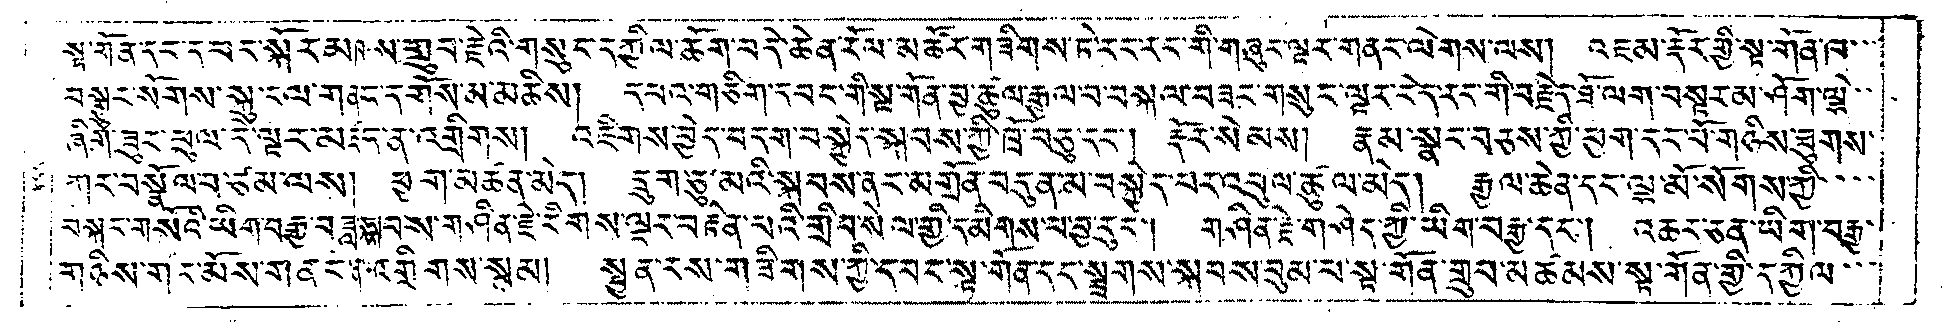སྟ་གོན་དང་དབང་སྐོར་མཁས་གྲུབ་རྗེའི་གསུང་དཀྱིལ་ཆོག་བདེ་ཆེན་རོལ་མཚོར་གཟིགས་ཏེ་རང་རང་གི་གཞུང་ལྟར་གནང་ལེགས་ལས། འཇམ་རྡོར་གྱི་སྟ་གོན་ཁ་
བསྒྱུར་སོགས་སྐུ་ངལ་གནང་དགོས་མ་མཆིས། དཔའ་གཅིག་དབང་གི་སྟ་གོན་བྱ་ཚུལ་རྒྱལ་བ་བསྐལ་བཟང་གསུང་ལྟར་ངེད་རང་གི་བརྗེད་ཐོ་ལག་བསྟར་མ་ཤོག་ལྷེ་
ཞིག་ཟུར་ཕུལ་དེ་ལྟར་མཛད་ན་འགྲིགས། འཇིགས་བྱེད་བདག་བསྐྱེད་སྐབས་ཀྱི་ཁྲོ་བཅུ་དང་། རྡོར་སེམས། རྣམ་སྣང་བཅས་ཀྱི་ཕྱག་དང་པོ་གཉིས་ཐུགས་
ཀར་བསྣོལ་བ་ཙམ་ལས། ཕྱག་མཚན་མེད། དྲུག་ཅུ་མའི་སྐབས་ནང་མགྲོན་བདུན་མ་བསྐྱེད་པར་འབུལ་ཚུལ་མེད། རྒྱལ་ཆེན་དང་ལྷ་མོ་སོགས་ཀྱི་
བསྐང་གསོའི་ཡིག་བརྒྱ་བཟླ་སྐབས་གཤིན་རྗེ་རིགས་ལྔར་བརྟེན་པའི་གྲིབ་སེལ་གྱི་དམིགས་པ་བྱ་རུང་། གཤིན་རྗེ་གཤེད་ཀྱི་ཡིག་བརྒྱ་དང་། འཆར་ཅན་ཡིག་བརྒྱ་
གཉིས་གང་མོས་གནང་ན་འགྲིགས་སྙམ། སྤྱན་རས་གཟིགས་ཀྱི་དབང་སྟ་གོན་དང་སྦྲགས་སྐབས་བུམ་པ་སྟ་གོན་གྲུབ་མཚམས་སྟ་གོན་གྱི་དཀྱིལ་